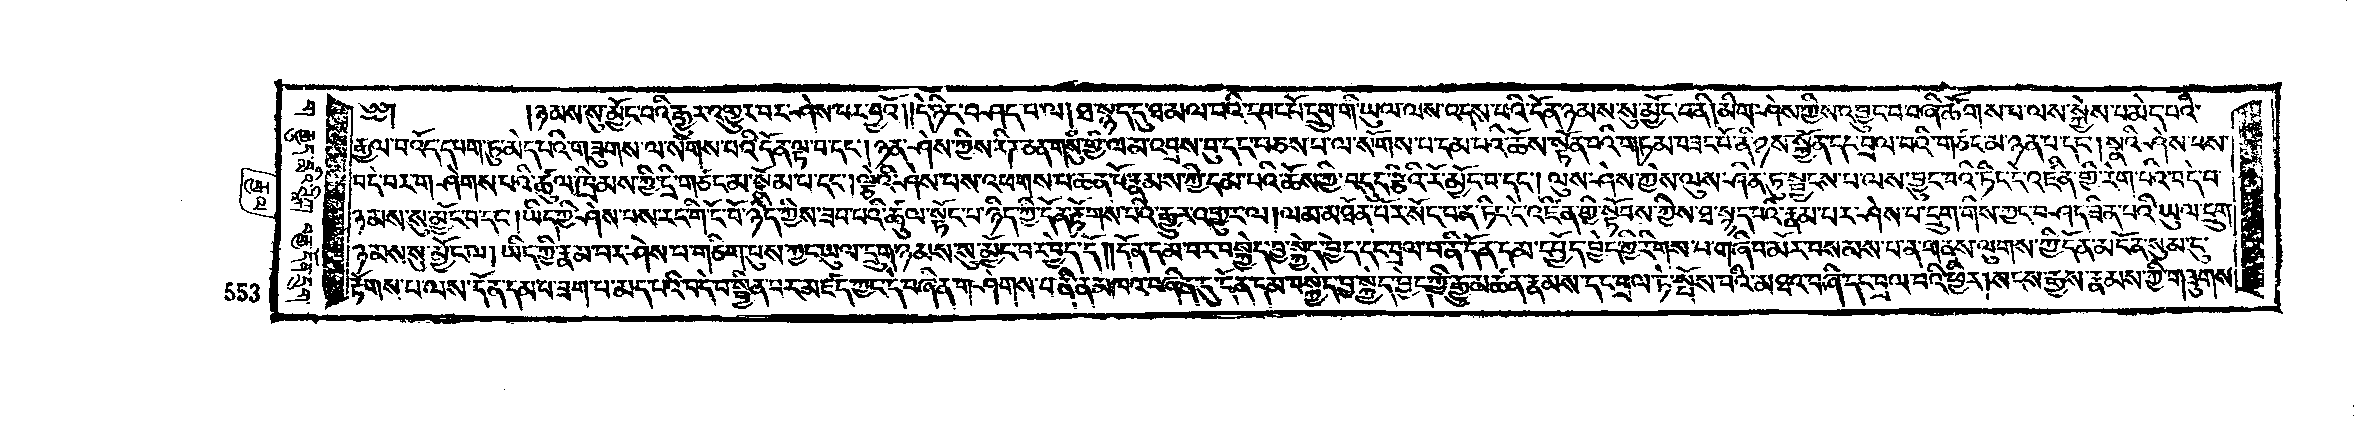༄༅། །ཉམས་སུ་མྱོང་བའི་རྒྱུར་འགྱུར་པར་ཤེས་པར་བྱའོ། །དེ་ཉིད་བཤད་པ་ལ། ཐ་སྙད་དུ་ཐ་མལ་པའི་དབང་པོ་དྲུག་གི་ཡུལ་ལས་འདས་པའི་དོན་ཉམས་སུ་མྱོང་བ་ནི། མིག་ཤེས་ཀྱིས་འབྱུང་བ་བཞི་ཚོགས་པ་ལས་སྐྱེས་པ་མེད་པའི་
རྒྱལ་བ་འོད་དཔག་ཏུ་མེད་པའི་གཟུགས་ལ་སོགས་པའི་དོན་ལྟ་བ་དང་། ཉན་ཤེས་ཀྱིས་རིགས་ཅན་གསུམ་གྱི་ལམ་འབྲས་བུ་དང་བཅས་པ་ལ་སོགས་པ་དམ་པའི་ཆོས་སྟོན་པའི་གཏམ་བཟང་པོ་ནི་ཉས་སྐྱོན་དང་བྲལ་བའི་གཙང་མ་ཉན་པ་དང་། སྣའི་ཤེས་པས་
བདེ་བར་གཤེགས་པའི་ཚུལ་ཁྲིམས་ཀྱི་དྲི་གཙང་མ་སྣོམ་པ་དང་། ལྕེའི་ཤེས་པས་འཕགས་པ་ཆན་པོ་རྣམས་ཀྱི་དམ་པའི་ཆོས་ཀྱི་བདུད་རྩིའི་རོ་མྱོང་བ་དང་། ལུས་ཤེས་ཀྱིས་ལུས་ཤིན་ཏུ་སྦྱངས་པ་ལས་བྱུང་བའི་ཏིང་ངེ་འཛིན་གྱི་རེག་པའི་བདེ་བ་
ཉམས་སུ་མྱོང་བ་དང་། ཡིད་ཀྱི་ཤེས་པས་རང་གི་ངོ་བོ་ཉིད་ཀྱིས་ཟབ་པའི་ཚུལ་སྟོང་པ་ཉིད་ཀྱི་དོན་རྟོགས་པའི་རྒྱུར་འགྱུར་ལ། ལམ་མཐོན་པོར་སོང་བ་ན་ཏིང་ངེ་འཛིན་གྱི་སྟོབས་ཀྱིས་ཐ་སྙད་པའི་རྣམ་པར་ཤེས་པ་དྲུག་གིས་ཀྱང་བཤད་ཟིན་པའི་ཡུལ་དྲུག་
ཉམས་སུ་མྱོང་ལ། ཡིད་ཀྱི་རྣམ་པར་ཤེས་པ་གཅིག་པུས་ཀྱང་ཡུལ་དྲུག་ཉམས་སུ་མྱོང་བར་བྱེད་དོ། །དོན་དམ་པར་བསྐྱེད་བྱ་སྐྱེད་བྱེད་དང་བྲལ་བ་ནི་དོན་དམ་དཔྱོད་བྱེད་ཀྱི་རིགས་པ་གཞི་བ་མོར་བསམས་པ་ན་གནས་ལུགས་ཀྱི་དོན་མངོན་སུམ་དུ་
རྟོགས་པ་ལས་དོན་དམ་པ་ཟག་པ་མེད་པའི་བདེ་བ་སྦྱིན་པར་མཛད་ཀྱང་དེ་བཞིན་གཤེགས་པ་ནི་ནམ་མཁའ་བཞིན་དུ་དོན་དམ་བསྐྱེད་བྱ་སྐྱེད་བྱེད་ཀྱི་རྒྱུ་མཚན་རྣམས་དང་གྲལ་ཏེ་སྤོས་པའི་མཐའ་བཞི་དང་བྲལ་བའི་ཕྱིར། སངས་རྒྱས་རྣམས་ཀྱི་གཟུགས་